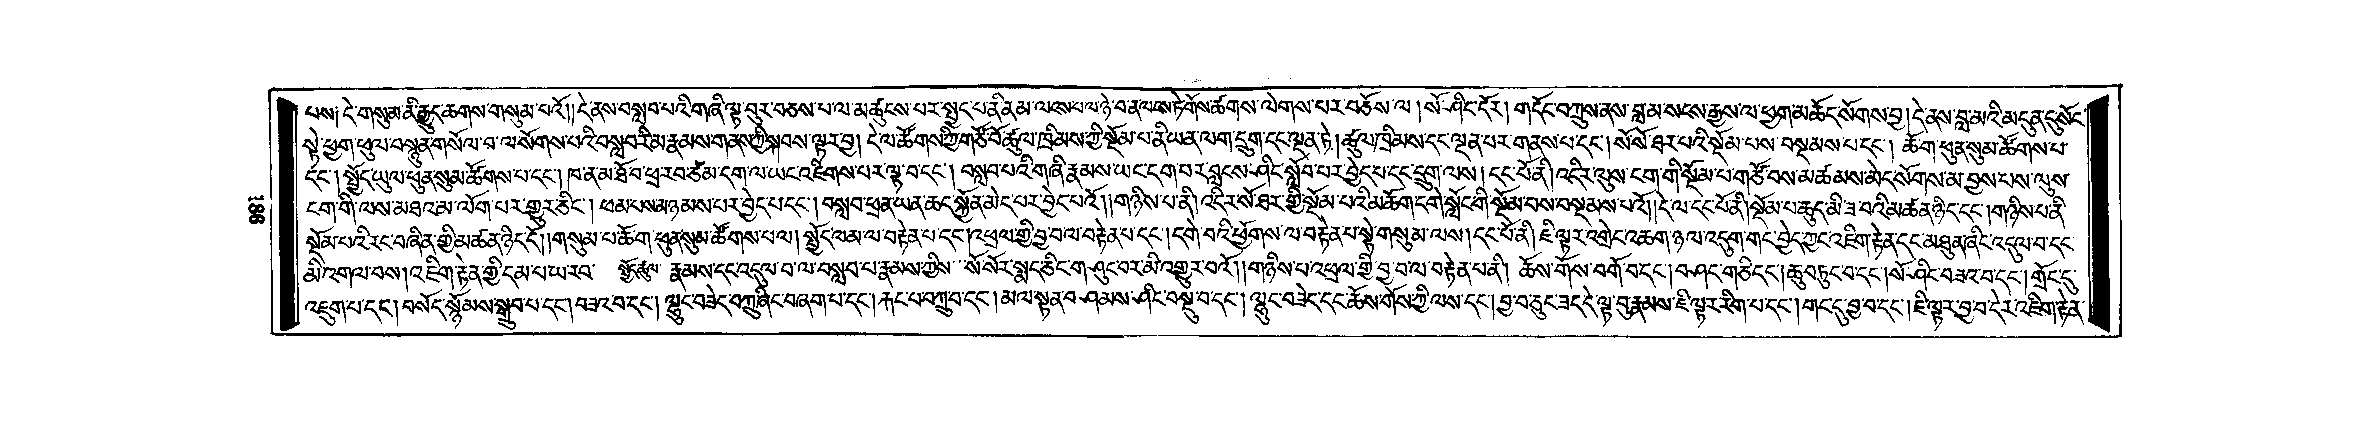པས། དེ་གསུམ་ནི་རྒྱུད་ཆགས་གསུམ་པའོ། །དེ་ནས་བསླབ་པའི་གཞི་ལྟ་བུར་བཅས་པ་ལ་མཚུངས་པར་སྤྱད་པ་ནི་ནམ་ལངས་པ་ལ་ཉེ་བ་ན་ལངས་ཏེ་གོས་ཚགས་ལེགས་པར་བཅོས་ལ། སོ་ཤིང་དོར། གདོང་བཀྲུས་ནས་བླ་མ་སངས་རྒྱས་ལ་ཕྱག་མཆོད་སོགས་བྱ། དེ་ནས་བླ་མའི་མདུན་དུ་སོང་
སྟེ་ཕྱག་ཕུལ་བསྙུན་གསོལ་བ་ལ་སོགས་པའི་བསླབ་རིམ་རྣམས་གནས་ཀྱི་སྐབས་ལྟར་བྱ། དེ་ལ་ཚོགས་ཀྱི་གཙོ་བོ་ཚུལ་ཁྲིམས་ཀྱི་སྡོམ་པ་ནི་ཡན་ལག་དྲུག་དང་ལྡན་ཏེ། ཚུལ་ཁྲིམས་དང་ལྡན་པར་གནས་པ་དང་། སོ་སོ་ཐར་པའི་སྡོམ་པས་བསྡམས་པ་དང་། ཆོ་ག་ཕུན་སུམ་ཚོགས་པ་
དང་། སྤྱོད་ཡུལ་ཕུན་སུམ་ཚོགས་པ་དང་། ཁ་ན་མ་ཐོ་བ་ཕྲ་རབ་ཙམ་དག་ལ་ཡང་འཇིགས་པར་ལྟ་བ་དང་། བསླབ་པའི་གཞི་རྣམས་ཡང་དག་པར་བླངས་ཤིང་སློབ་པར་བྱེད་པ་དང་དྲུག་ལས། དང་པོ་ནི། འདིར་ལུས་ངག་གི་སྡོམ་པ་གཙོ་བས་མཚམས་མེད་སོགས་མ་བྱས་པས་ལུས་
ངག་གི་ལས་མཐའ་མ་ལོག་པར་གྱུར་ཅིང་། ཕམ་པས་མཉམས་པར་བྱེད་པ་དང་། བསླབ་ཕྲན་ཡན་ཆད་སྐྱོན་མེད་པར་བྱེད་པའོ། །གཉིས་པ་ནི། འདིར་སོ་ཐར་གྱི་སྡོམ་པའི་མཆོག་དགེ་སློང་གི་སྡོམ་པས་བསྡམས་པའོ། །དེ་ལ་དང་པོ་ནི། སྡོམ་པ་ཆུད་མི་ཟ་བའི་མཚན་ཉིད་དང་། གཉིས་པ་ནི་
སྡོམ་པའི་རང་བཞིན་གྱི་མཚན་ཉིད་དོ། །གསུམ་པ་ཆོ་ག་ཕུན་སུམ་ཚོགས་པ་ལ། སྤྱོད་ལམ་ལ་བརྟེན་པ་དང་། འཕྲལ་གྱི་བྱ་བ་ལ་བརྟེན་པ་དང་། དགེ་བའི་ཕྱོགས་ལ་བརྟེན་པ་སྟེ་གསུམ་ལས། དང་པོ་ནི། ཇི་ལྟར་འགྲེང་འཆག་ཉལ་འདུག་གང་བྱེད་ཀྱང་འཇིག་རྟེན་དང་མཐུན་ཞིང་འདུལ་བ་དང་
མི་འགལ་བས། འཇིག་རྟེན་གྱི་དམ་པ་ཡ་རབ་སྤྱོད་ཚུལ་རྣམས་དང་འདུལ་བ་ལ་བསླབ་པ་རྣམས་ཀྱིས་སོ་སོར་སྨད་ཅིང་གཤུང་བར་མི་འགྱུར་བའོ། །གཉིས་པ་འཕྲལ་གྱི་བྱ་བ་ལ་བརྟེན་པ་ནི། ཆོས་གོས་བགོ་བ་དང་། བཤད་གཅི་དང་། ཆུ་བཏུང་བ་དང་། སོ་ཤིང་བཟའ་བ་དང་། གྲོང་དུ་
འཇུག་པ་དང་། བསོད་སྙོམས་སྒྲུབ་པ་དང་། བཟའ་བ་དང་། ལྷུང་བཟེད་བཀྲུ་ཞིང་བཞག་པ་དང་། རྐང་པ་བཀྲུ་བ་དང་། མལ་སྟན་བཤམས་ཤིང་བསྡུ་བ་དང་། ལྷུང་བཟེད་དང་ཆོས་གོས་ཀྱི་ལས་དང་། བྱ་བ་ཅུང་ཟད་དེ་ལྟ་བུ་རྣམས་ཇི་ལྟར་རིག་པ་དང་། གང་དུ་བྱ་བ་དང་། ཇི་ལྟར་བྱ་བ་དེར་འཇིག་རྟེན་